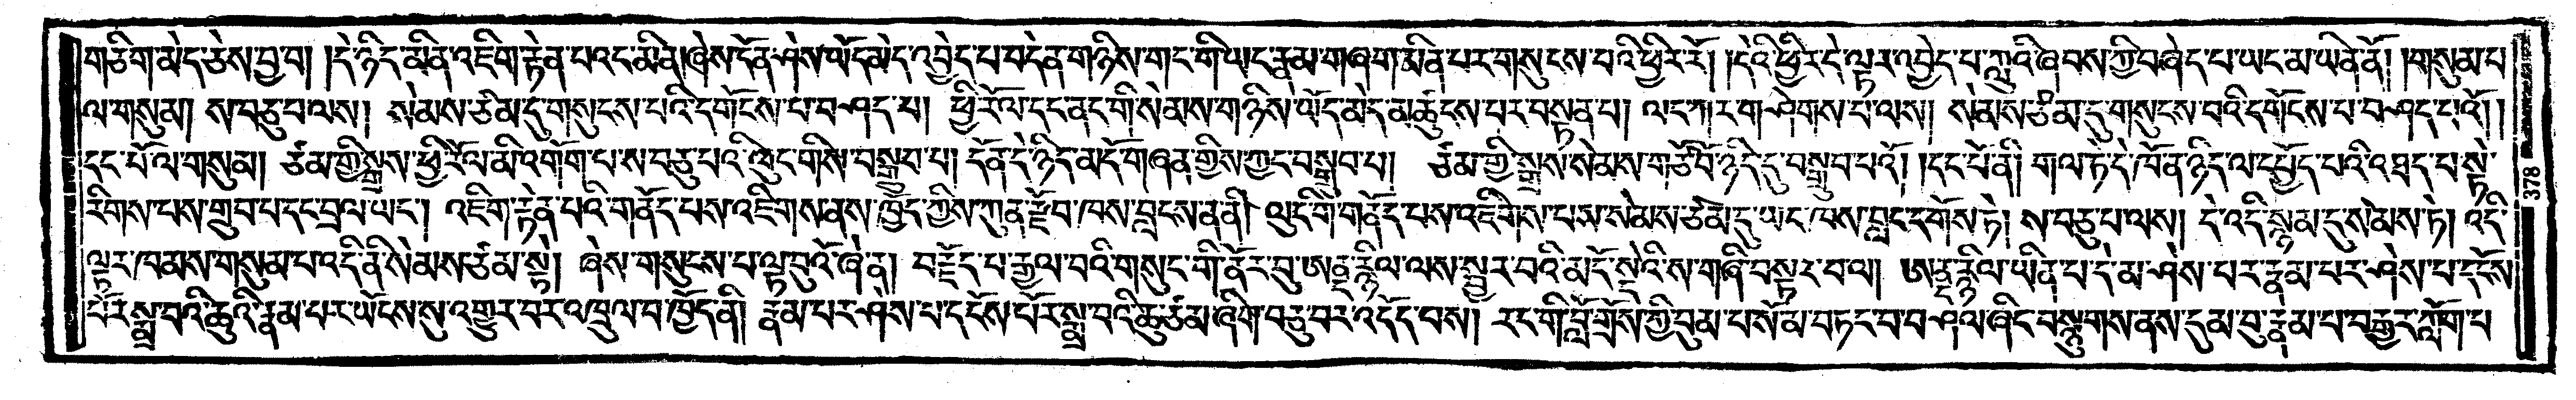གཅིག་མེད་ཅེས་བྱ་བ། །དེ་ཉིད་མིན་འཇིག་རྟེན་པའང་མིན། །ཞེས་དོན་ཤེས་ཡོད་མེད་འབྱེད་པ་བདེན་གཉིས་གང་གི་ཡང་རྣམ་གཞག་མིན་པར་གསུངས་པའི་ཕྱིར་རོ། །དེའི་ཕྱིར་དེ་ལྟར་འབྱེད་པ་ཀླུའི་ཞབས་ཀྱི་བཞེད་པ་ཡང་མ་ཡིན་ནོ། །གསུམ་པ་
ལ་གསུམ། ས་བཅུ་པ་ལས། སེམས་ཙམ་དུ་གསུངས་པའི་དགོངས་པ་བཤད་པ། ཕྱི་རོལ་དང་ནང་གི་སེམས་གཉིས་ཡོད་མེད་མཚུངས་པར་བསྟན་པ། ལང་ཀར་གཤེགས་པ་ལས། སེམས་ཙམ་དུ་གསུངས་པའི་དགོངས་པ་བཤད་པའོ།།
དང་པོ་ལ་གསུམ། ཙམ་གྱི་སྒྲས་ཕྱི་རོལ་མི་འགོག་པ་ས་བཅུ་པའི་ལུང་གིས་བསྒྲུབ་པ། དོན་དེ་ཉིད་མདོ་གཞན་གྱིས་ཀྱང་བསྒྲུབ་པ། ཙམ་གྱི་སྒྲས་སེམས་གཙོ་བོ་ཉིད་དུ་བསྒྲུབ་པའོ། །དང་པོ་ནི། གལ་ཏེ་དེ་ཁོ་ན་ཉིད་ལ་དཔྱོད་པའི་འཐད་པ་སྟེ་
རིགས་པས་གྲུབ་པ་དང་བྲལ་ཡང་། འཇིག་རྟེན་པའི་གནོད་པས་འཇིགས་ནས་ཁྱོད་ཀྱིས་ཀུན་རྫོབ་ཁས་བླངས་ན་ནི། ལུང་གི་གནོད་པས་འཇིགས་པས་སེམས་ཙམ་དུ་ཡང་ཁས་བླང་དགོས་ཏེ། ས་བཅུ་པ་ལས། དེ་འདི་སྙམ་དུ་སེམས་ཏེ། འདི་
ལྟར་ཁམས་གསུམ་པོ་འདི་ནི་སེམས་ཙམ་སྟེ། ཞེས་གསུངས་པ་ལྟ་བུའོ་ཞེ་ན། བརྗོད་པ་རྒྱལ་བའི་གསུང་གི་ནོར་བུ་ཨནྡ་རྙིལ་ལས་སྦྱར་བའི་མདོ་སྡེའི་ས་གཞི་བསྟར་བ་ལ། ཨནྡ་རྙིལ་ཡིན་པ་དེ་མ་ཤེས་པར་རྣམ་པར་ཤེས་པ་དངོས་
པོར་སྨྲ་བའི་ཆུའི་རྣམ་པར་ཡོངས་སུ་འགྱུར་བར་འཁྲུལ་བ་ཁྱོད་ནི། རྣམ་པར་ཤེས་པ་དངོས་པོར་སྨྲ་བའི་ཆུ་ཙམ་ཞིག་བཅུ་བར་འདོད་པས། རང་གི་བློ་གྲོས་ཀྱི་བུམ་པ་སོ་མ་བཏང་བ་བཤལ་ཞིང་བསྙུགས་ནས་དུམ་བུ་རྣམ་པ་བརྒྱར་ཀློག་པ་